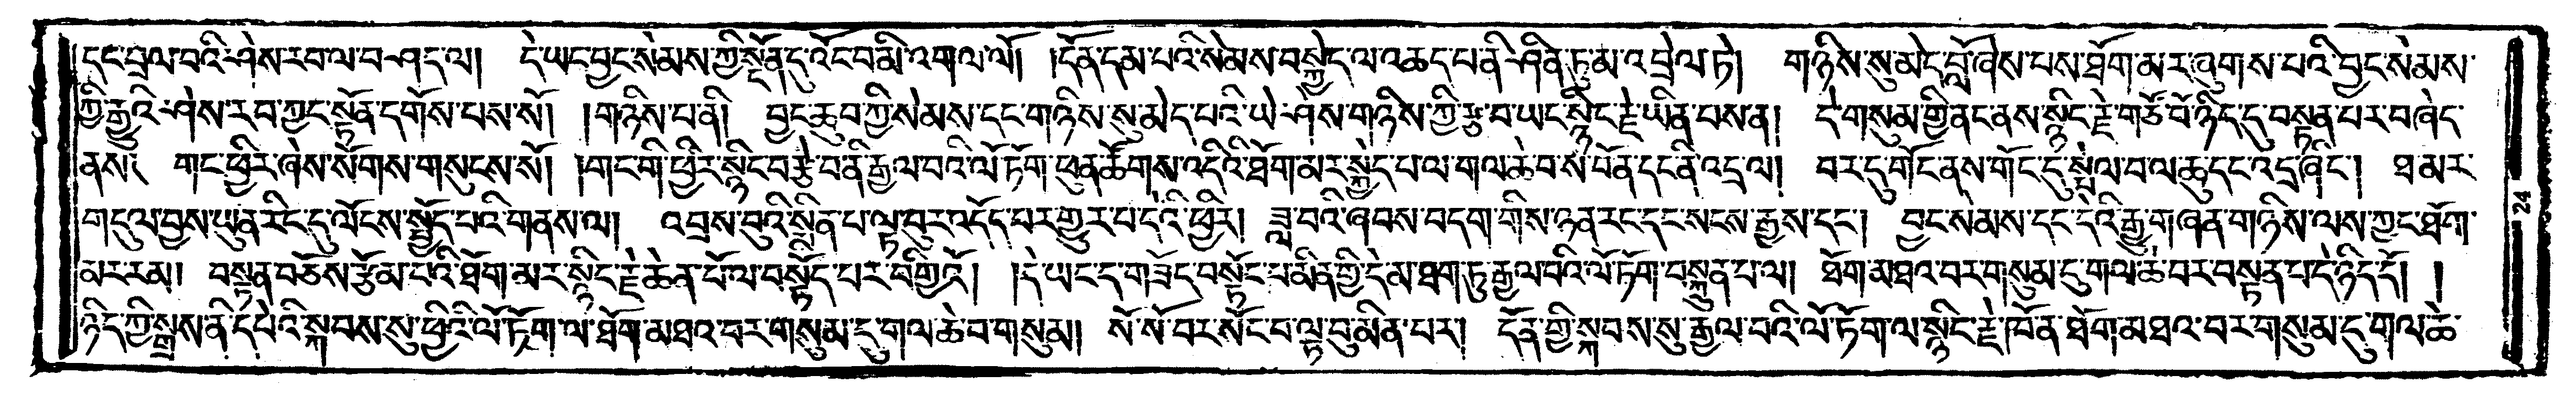དང་བྲལ་བའི་ཤེས་རབ་ལ་བཤད་ལ། དེ་ཡང་བྱང་སེམས་ཀྱི་སྔོན་དུ་འོང་བ་མི་འགལ་ལོ། །དོན་དམ་པའི་སེམས་བསྐྱེད་ལ་འཆད་པ་ནི་ཤིན་ཏུ་མ་འབྲེལ་ཏེ། གཉིས་སུ་མེད་བློ་ཞེས་པས་ཐོག་མར་ཞུགས་པའི་བྱང་སེམས་
ཀྱི་རྒྱུའི་ཤེས་རབ་ཀྱང་སྟོན་དགོས་པས་སོ། །གཉིས་པ་ནི། བྱང་ཆུབ་ཀྱི་སེམས་དང་གཉིས་སུ་མེད་པའི་ཡེ་ཤེས་གཉིས་ཀྱི་རྩ་བ་ཡང་སྙིང་རྗེ་ཡིན་པས་ན། དེ་གསུམ་གྱི་ནང་ནས་སྙིང་རྗེ་གཙོ་བོ་ཉིད་དུ་བསྟན་པར་བཞེད་
ནས༑ གང་ཕྱིར་ཞེས་སོགས་གསུངས་སོ། །གང་གི་ཕྱིར་སྙིང་བརྩེ་བ་ནི་རྒྱལ་བའི་ལོ་ཏོག་ཕུན་ཚོགས་འདིའི་ཐོག་མར་སྐྱེད་པ་ལ་གལ་ཆེ་བ་ས་བོན་དང་ནི་འདྲ་ལ། བར་དུ་གོང་ནས་གོང་དུ་སྤེལ་བ་ལ་ཆུ་དང་འདྲ་ཞིང་། ཐ་མར་
གདུལ་བྱས་ཡུན་རིང་དུ་ལོངས་སྤྱོད་པའི་གནས་ལ། འབྲས་བུའི་སྨིན་པ་ལྟ་བུར་འདོད་པར་གྱུར་པ་དེའི་ཕྱིར། ཟླ་བའི་ཞབས་བདག་གིས་ཉན་རང་དང་སངས་རྒྱས་དང་། བྱང་སེམས་དང་དེའི་རྒྱུ་གཞན་གཉིས་ལས་ཀྱང་ཐོག་
མར་རམ། བསྟན་བཅོས་རྩོམ་བའི་ཐོག་མར་སྙིང་རྗེ་ཆེན་པོ་ལ་བསྟོད་པར་བགྱིའོ། །དེ་ཡང་ད་གཟོད་བསྟོད་པ་མིན་གྱི་དེ་མ་ཐག་ཏུ་རྒྱལ་བའི་ལོ་ཏོག་བསྐྲུན་པ་ལ། ཐོག་མཐའ་བར་གསུམ་དུ་གལ་ཆེ་བར་བསྟན་པ་དེ་ཉིད་དེ།།
ཉིད་ཀྱི་སྒྲས་ནི་དཔེའི་སྐབས་སུ་ཕྱིའི་ལོ་ཏོག་ལ་ཐོག་མཐའ་བར་གསུམ་དུ་གལ་ཆེ་བ་གསུམ། སོ་སོ་བར་སོང་བ་ལྟ་བུ་མིན་པར། དོན་གྱི་སྐབས་སུ་རྒྱལ་བའི་ལོ་ཏོག་ལ་སྙིང་རྗེ་ཁོ་ན་ཐོག་མཐའ་བར་གསུམ་དུ་གལ་ཆེ་